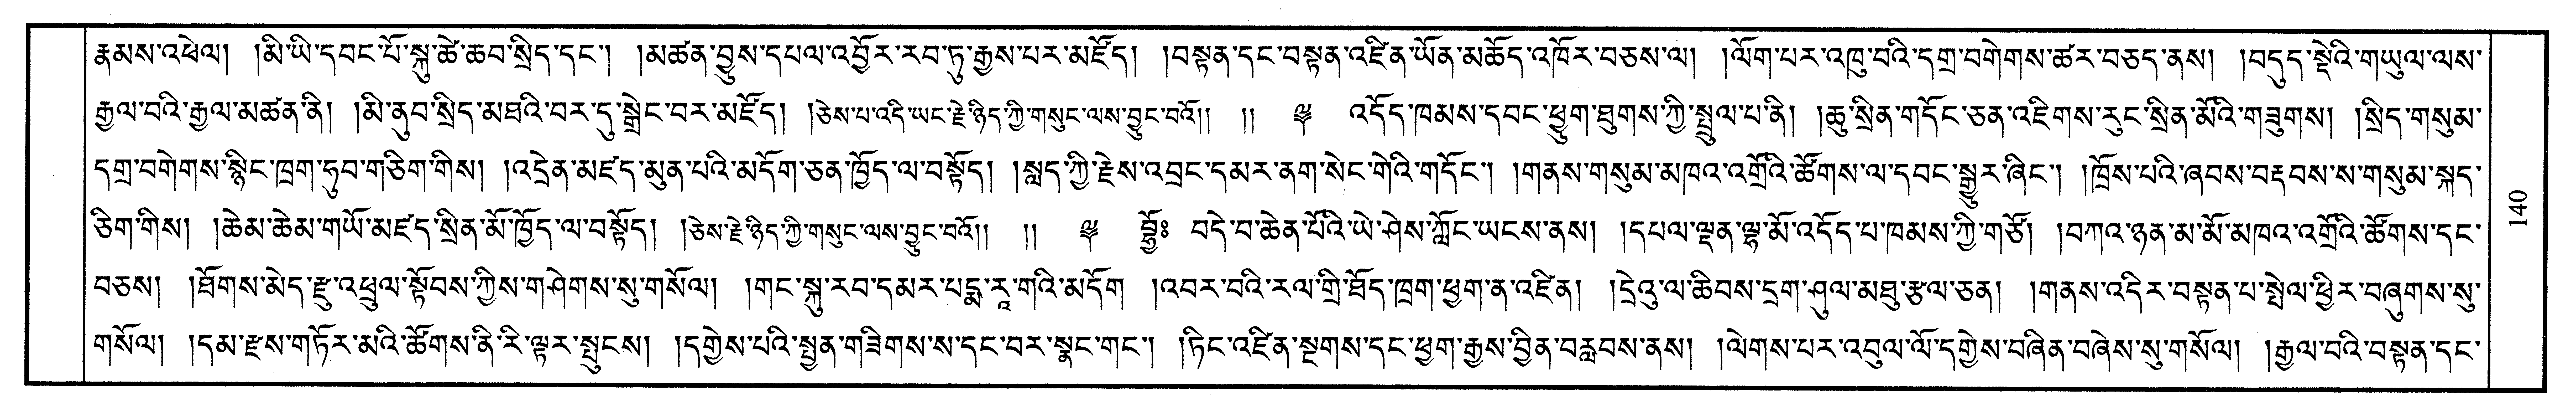རྣམས་འཕེལ། །མི་ཡི་དབང་པོ་སྐུ་ཚེ་ཆབ་སྲིད་དང་། །མཚན་བྱུས་དཔལ་འབྱོར་རབ་ཏུ་རྒྱས་པར་མཛོད། །བསྟན་དང་བསྟན་འཛིན་ཡོན་མཆོད་འཁོར་བཅས་ལ། །ལོག་པར་འཁུ་བའི་དགྲ་བགེགས་ཚར་བཅད་ནས། །བདུད་སྡེའི་གཡུལ་ལས་
རྒྱལ་བའི་རྒྱལ་མཚན་ནི། །མི་ནུབ་སྲིད་མཐའི་བར་དུ་སྒྲེང་བར་མཛོད། །ཅེས་པ་འདི་ཡང་རྗེ་ཉིད་ཀྱི་གསུང་ལས་བྱུང་བའོ།། །། ༈ འདོད་ཁམས་དབང་ཕྱུག་ཐུགས་ཀྱི་སྤྲུལ་པ་ནི། །ཆུ་སྲིན་གདོང་ཅན་འཇིགས་རུང་སྲིན་མོའི་གཟུགས། །སྲིད་གསུམ་
དགྲ་བགེགས་སྙིང་ཁྲག་ཧུབ་གཅིག་གིས། །འདྲེན་མཛད་མུན་པའི་མདོག་ཅན་ཁྱོད་ལ་བསྟོད། །སླད་ཀྱི་རྗེས་འབྲང་དམར་ནག་སེང་གེའི་གདོང་། །གནས་གསུམ་མཁའ་འགྲོའི་ཚོགས་ལ་དབང་སྒྱུར་ཞིང་། །ཁྲོས་པའི་ཞབས་བརྡབས་ས་གསུམ་སྐད་
ཅིག་གི། །ཆེམ་ཆེམ་གཡོ་མཛད་སྲིན་མོ་ཁྱོད་ལ་བསྟོད། །ཅེས་རྗེ་ཉིད་ཀྱི་གསུང་ལས་བྱུང་བའོ།། །། ༈ བྷྱོཿ བདེ་བ་ཆེན་པོའི་ཡེ་ཤེས་ཀློང་ཡངས་ནས། །དཔལ་ལྡན་ལྷ་མོ་འདོད་པ་ཁམས་ཀྱི་གཙོ། །བཀའ་ཉན་མ་མོ་མཁའ་འགྲོའི་ཚོགས་དང་
བཅས། །ཐོགས་མེད་རྫུ་འཕྲུལ་སྟོབས་ཀྱིས་གཤེགས་སུ་གསོལ། །གང་སྐུ་རབ་དམར་པདམ་རཱ་གའི་མདོག །འབར་བའི་རལ་གྲི་ཐོད་ཁྲག་ཕྱག་ན་འཛིན། །དྲེའུ་ལ་ཆིབས་དྲག་ཤུལ་མཐུ་རྩལ་ཅན། །གནས་འདིར་བསྟན་པ་སྤེལ་ཕྱིར་བཞུགས་སུ་
གསོལ། །དམ་རྫས་གཏོར་མའི་ཚོགས་ནི་རི་ལྟར་སྤུངས། །དགྱེས་པའི་སྤྱན་གཟིགས་ས་དང་བར་སྣང་གང་། །ཏིང་འཛིན་སྔགས་དང་ཕྱག་རྒྱས་བྱིན་བརླབས་ནས། །ལེགས་པར་འབུལ་ལོ་དགྱེས་བཞིན་བཞེས་སུ་གསོལ། །རྒྱལ་བའི་བསྟན་དང་